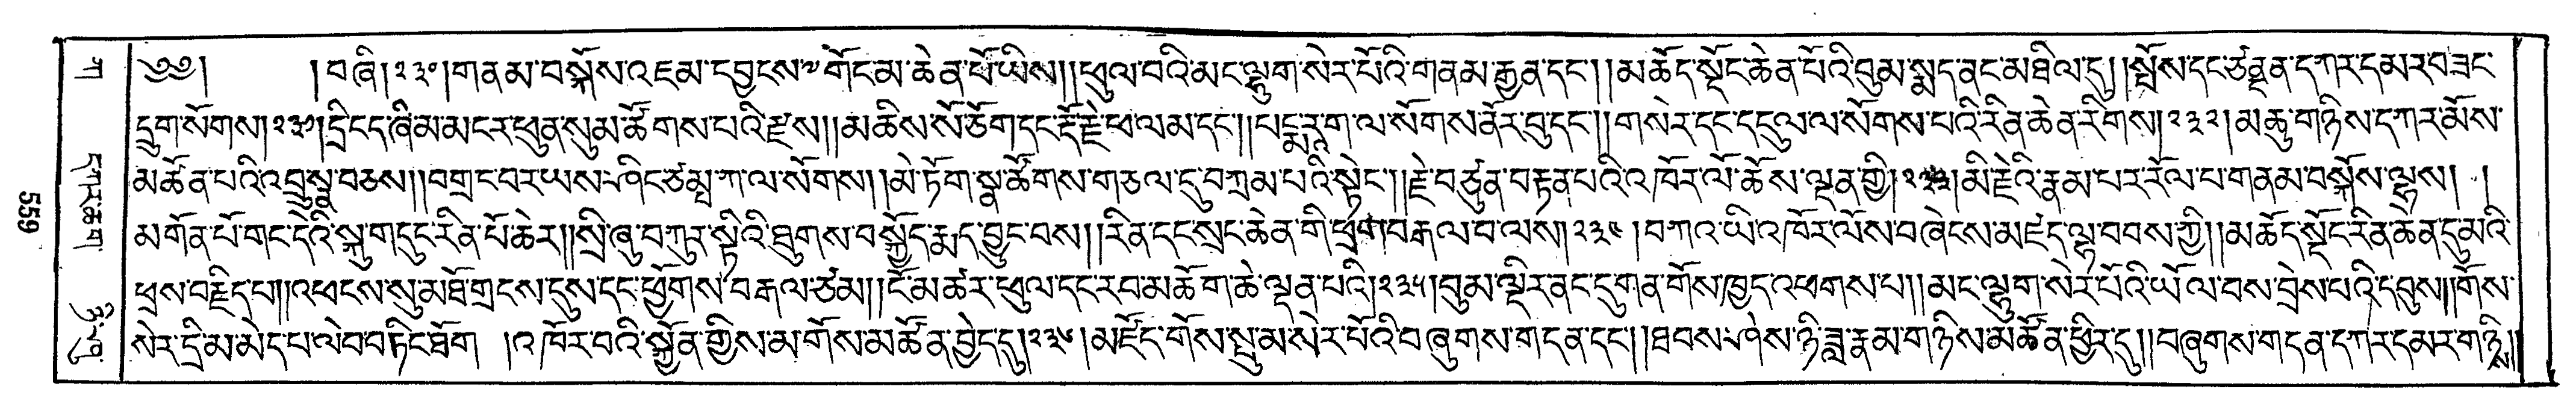༄༅། །བཞ། ༢༣༠་།གནམ་བསྐོས་འཇམ་དབྱངས་༈གོང་མ་ཆེན་བོ་ཡིས། །ཕུལ་བའི་མང་ལྷུག་སེར་པོའི་གནམ་རྒྱན་དང་། །མཆོད་སྡོང་ཆེན་པོའི་བུམ་སྨད་ནང་མཐིལ་དུ། །སྤོས་དང་ཙནྡན་དཀར་དམར་བཟང་
དྲུག་སོགས། ༢༣༡་།དྲི་ངད་ཞིམ་མདར་ཕུན་སུམ་ཚོགས་པའི་རྫས། །མཆིས་སོ་ཅོག་དང་རྡོ་རྗེ་ཕ་ལམ་དང་། །པདམ་ནཱ་ག་ལ་སོགས་ནོར་བུ་དང་། །གསེར་དང་དངུལ་ལ་སོགས་པའི་རིན་ཆེན་རིགས། ༢༣༢་།མཆུ་གཉིས་དཀར་མོས་
མཚོན་པའི་འབྲུ་སྣ་བཅས། །བགྲང་བར་ཡས་ཤིང་ཙམྤ་ཀ་ལ་སོགས། །མེ་ཏོག་སྣ་ཚོགས་གཅལ་དུ་བཀྲམ་པའི་སྟེང་། །རྗེ་བཙུན་བརྟན་པའི་འཁོར་ལོ་ཆོས་ལྡན་གྱི། ༢༣༣་།མི་རྗེའི་རྣམ་པར་རོལ་པ་གནམ་བསྐོས་ལྷས། །
མགོན་པོ་གང་དེའི་སྐུ་གདུང་རིན་པོ་ཆེར། །སྲི་ཞུ་བཀུར་སྟིའི་ཐུགས་བསྐྱེད་རྨད་བྱུང་བས། །རིན་དང་སྲང་ཆེན་ཁྲི་ཕྲག་བརྒལ་བ་ལས། ༢༣༤་།བཀའ་ཡི་འཁོར་ལོས་བཞེངས་མཛད་ལྷ་བབས་ཀྱི། །མཆོད་སྡོང་རིན་ཆེན་དུ་མའི་
ཕྲས་བརྗིད་པ། །འཕངས་སུ་མཐོ་གྲངས་དུས་དང་ཕྱོགས་བརྒལ་ཙམ། །ངོ་མཚར་ཕུལ་དང་རབ་མཆོག་ཆེ་ལྡན་པའི། ༢༣༥་།བུམ་ལྡིར་ནང་དུ་གན་གོས་ཁྱད་འཕགས་པ། །མང་ལྷུག་སེར་པོའི་ཡོལ་བས་བྲེས་པའི་དབུས། །གོས་
སེར་དྲི་མ་མེད་པ་ལེབ་བཏིང་ཐོག །འཁོར་བའི་སྐྱོན་གྱིས་མ་གོས་མཚོན་བྱེད་དུ། ༢༣༦་།མཛོད་གོས་སྤུ་མ་སེར་པོའི་བཞུགས་གདན་དང་། །ཐབས་ཤེས་ཉི་ཟླ་རྣམ་གཉིས་མཚོན་ཕྱིར་དུ། །བཞུགས་གདན་དཀར་དམར་གཉིས་